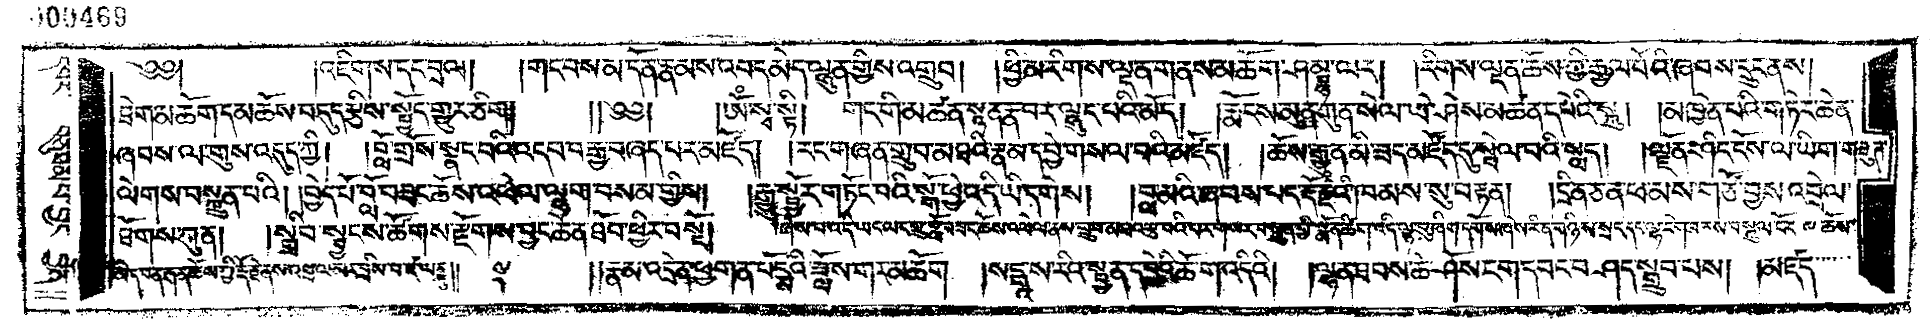༄༅། །འཇིགས་དང་བྲལ། །གང་བས་མ་དོན་རྣམས་འབད་མེད་ལྷུན་གྱིས་འགྲུབ། །ཕྱི་མ་རིགས་ལྡན་གནས་མཆོག་ཤམྦྷ་ལར། །རིགས་ལྡན་ཆོས་ཀྱི་རྒྱལ་པོའི་ཞབས་དྲུང་ནས།
ཐེག་མཆོག་དམ་ཆོས་བདུད་རྩིས་སྤྱོད་གྱུར་ཅིག ། །།༄༅། །ཨོཾ་སྭ་སྟི། གང་གི་མཚན་སྙན་རྣ་བར་ལྷུང་པའི་མོད། །རྨོངས་མུན་ཀུན་སེལ་ཡེ་ཤེས་མཚན་དཔེའི་སྐུ། །མཁྱེན་པའི་གཏེར་ཆེན་
ཞབས་ལ་གུས་འདུད་ཀྱི། །བློ་གྲོས་སྣང་བའི་འདབ་བརྒྱ་བཞད་པར་མཛོད། །རང་གཞན་གྲུབ་མཐའི་རྣམ་དབྱེ་གསལ་བའི་མཛོད། །ཆོས་རྒྱུན་མི་ཟད་མཛོད་དུ་སྤེལ་བའི་སླད། །ལྗོན་ཤིང་ངོས་ལ་ཡིག་གཟུགས་
ལེགས་བསྐྲུན་པའི། །བྱེད་པོ་བློ་བཟང་ཆོས་འཕེལ་ལྷག་བསམ་གྱིས། །རྒྱུ་སྦྱོར་གཏོང་བའི་སྒོ་ཕྱེ་འདི་ཡི་དགེས། །བླ་མའི་ཞབས་པད་རྡོ་རྗེའི་ཁམས་སུ་བརྟན། །དྲིན་ཅན་ཕ་མས་གཙོ་བྱས་འབྲེལ་
ཐོགས་ཀུན། །སྒྲིབ་སྦྱངས་ཚོགས་རྫོགས་བྱང་ཆེན་ཐོབ་ཕྱིར་བསྔོ། །ཞེས་པ་འདི་ཡང་ལང་གྲུ་བློ་བཟང་ཆོས་འཕེལ་ནས་གྲུབ་མཐའ་རྩ་བའི་པར་གསར་བསྐྲུན་གྱི་སྨོན་ཚིག་འདི་ལྟ་བུ་ཞིག་དགོས་ཞེས་རིན་གཉིས་སྲང་དང་ལྷ་རེག་བཅས་བསྐུལ་ངོར་༧་ཆོས་
མེད་བན་རྒན་ཆོས་ཀྱི་རྡོ་རྗེ་ནས་འཕྲལ་མར་བྲིས་པ་ཛ་ཡནྟུ།། ༈ །།རྣམ་འདྲེན་ཕྱག་ན་པདམོའི་ཟློས་གར་མཆོག །སངྒཱ་ས་རའི་སྤྱན་དབྱེའི་ཆོ་ག་འདིའི། །ལྷན་ཐབས་ཆེ་ཤོས་ངག་དབང་བཤད་སྒྲུབ་པས། །མཛད་